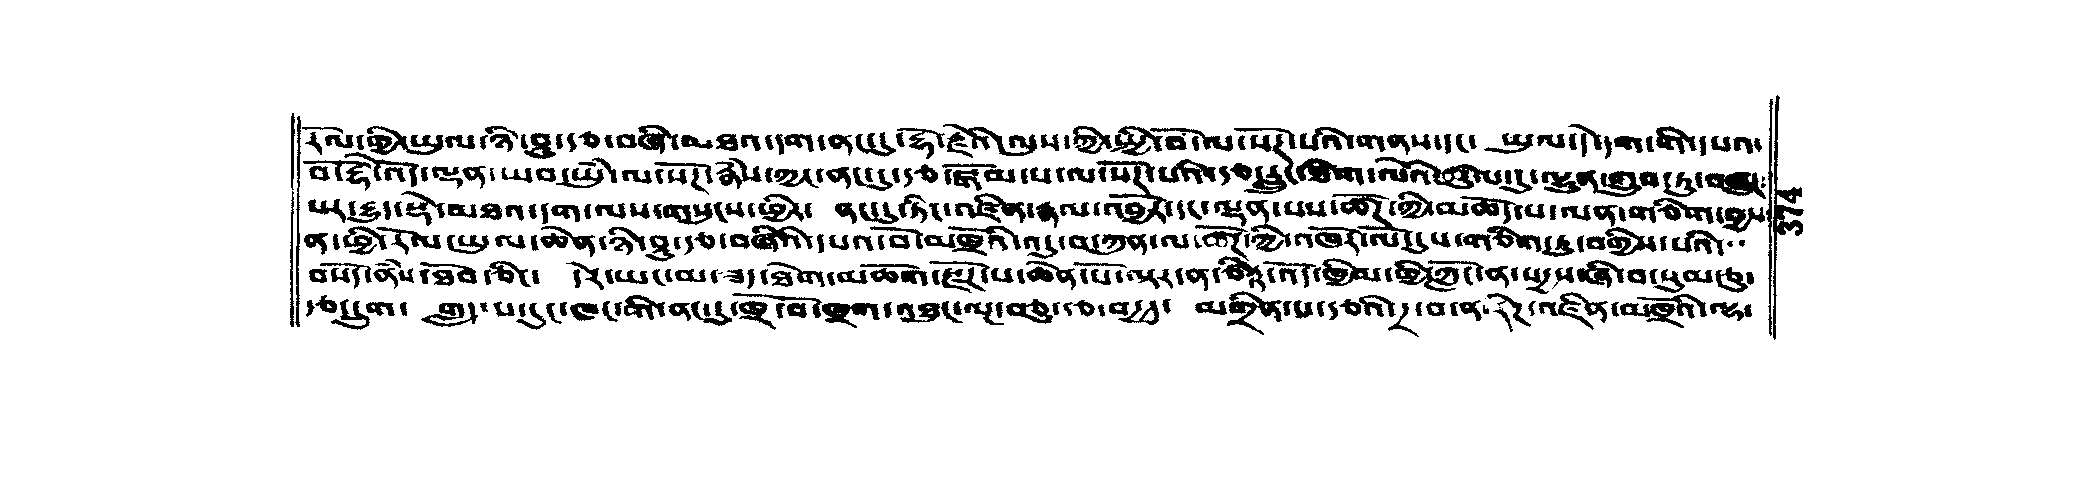རོལ་གྱི་ཡུལ་ཉི་ཤུ་རྩ་བཞི་མཐའ་དག་ནང་དུ་རྡོ་རྗེའི་ལུས་ཀྱི་སྤྱོ་བོ་ལ་སོགས་པའི་གནས་དང་། ཡུལ་དེ་དག་གི་དཔའ་
བོ་རྡོ་རྗེ་འོད་ལྡན་ཡབ་ཡུམ་ལ་སོགས་རྣམས་ཀྱང་ནང་དུ་རྩ་སྒོམ་པ་ལ་སོགས་པའི་རྩ་རླུང་ཐིག་ལེའི་ཚུལ་དུ་ལྷུན་གྲུབ་ཏུ་བཞུགས་
པར་རྒྱུད་སྡེ་མཐའ་དག་ལས་གསུངས་ཕྱིར།ནང་དུ་ཏིང་འཛིན་རྣལ་འབྱོར་དང་ལྡན་པས་ཚོགས་ཀྱི་མཆོད་པ་ལན་གཅིག་བྱས་
ན་ཕྱི་རོལ་ཡུལ་ཆེན་ཉི་ཤུ་རྩ་བཞིའི་དཔའ་བོ་མཁའ་འགྲོའི་འདུ་བ་ཀུན་ལ་ཚོགས་ཀྱི་འཁོར་ལོ་དུས་གཅིག་ཏུ་བགྱིས་པའི་
བསོད་ནམས་ཐོབ་ཅིང་། དེར་ཡང་མ་ཟད་ཐེག་མཆོག་རྫོགས་པ་ཆེན་པོ་ལྟར་ན་ཙཏྟ་འོད་ཁྱིམ་གྱི་ཀློང་ན་སངས་རྒྱས་ཞི་བ་སུམ་ཅུ་
རྩ་དྲུག་ཀླད་པ་དུང་ཁང་གི་ནང་དུ་ཁྲོ་བོ་ཁྲག་འཐུང་ལྔ་བཅུ་རྩ་བརྒྱད། མགྲིན་པ་རྩའི་དྲ་བ་ན་རིག་འཛིན་མཁའ་འགྲོའི་ལྷ་